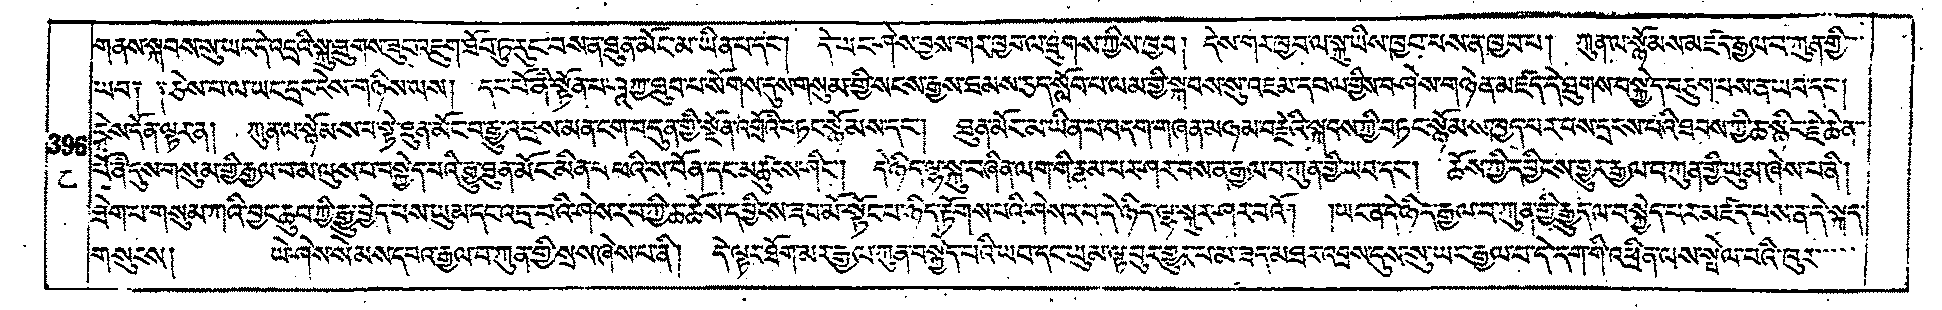གནས་སྐབས་སུ་ཡང་དེ་འདྲའི་སྐུ་ཐུགས་ཟུང་འཇུག་ཐོབ་ཏུ་རུང་བས་ན་ཐུན་མོང་མ་ཡིན་པ་དང་། དེ་ཡང་ཤེས་བྱས་གར་ཁྱབ་ལ་ཐུགས་ཀྱིས་ཁྱབ། དེས་གར་ཁྱབ་པ་ལ་སྐུ་ཡིས་ཁྱབ་པས་ན་ཁྱབ་པ། ཀུན་ལ་སྙོམས་མཛད་རྒྱལ་བ་ཀུན་གྱི་་་
ཡབ༑ ༑ཅེས་པ་ལ་ཡང་དྲང་ངེས་གཉིས་ལས། དང་པོ་ནི་སྟོན་པ་ཤཱཀྱ་ཐུབ་པ་སོགས་དུས་གསུམ་གྱི་སངས་རྒྱས་ཐམས་ཅད་སློབ་པ་ལམ་གྱི་སྐབས་སུ་འཇམ་དཔལ་གྱིས་བཤེས་གཉེན་མཛད་དེ་ཐུགས་བསྐྱེད་བཅུག་པས་ན་ཡབ་དང་།
ངེས་དོན་ལྟར་ན། ཀུན་ལ་སྙོམས་པ་སྟེ་ཐུན་མོང་བ་རྒྱུ་འབྲས་མན་ངག་བདུན་གྱི་སྔོན་འགྲོའི་བཏང་སྙོམས་དང་། ཐུན་མོང་མ་ཡིན་པ་བདག་གཞན་མཉམ་བརྗེའི་སྐབས་ཀྱི་བཏང་སྙོམས་ཁྱད་པར་བས་དྲངས་པའི་ཐབས་ཀྱི་ཆ་སྙིང་རྗེ་ཆེན་་་
པོ་ནི་དུས་གསུམ་གྱི་རྒྱལ་བ་མ་ལུས་པ་བསྐྱེད་པའི་རྒྱུ་ཐུན་མོང་མིན་པ་ཕའི་ས་བོན་དང་མཚུངས་ཤིང་། དེ་ཉིད་ལྷ་སྐུ་བཞིན་ལག་གི་རྣམ་པར་ཤར་བས་ན་རྒྱལ་བ་ཀུན་གྱི་ཡབ་དང་། ཆོས་ཀྱི་དབྱིངས་གྱུར་རྒྱལ་བ་ཀུན་གྱི་ཡུམ་ཞེས་པ་ནི།
ཐེག་པ་གསུམ་ཀའི་བྱང་ཆུབ་ཀྱི་རྒྱུ་བྱེད་པས་ཡུམ་དང་འདྲ་བའི་ཤེས་རབ་ཀྱི་ཆ་ཆོས་དབྱིངས་ཟབ་མོ་སྟོང་པ་ཉིད་རྟོགས་པའི་ཤེས་རབ་དེ་ཉིད་ལྷ་སྐུར་ཤར་བའོ། །ཡང་ན་དེ་ཉིད་རྒྱལ་བ་ཀུན་གྱི་རྒྱུད་ལ་བསྐྱེད་པར་མཛད་པས་ན་དེ་སྐད་གསུངས། ཡེ་ཤེས་སེམས་དཔའ་རྒྱལ་བ་ཀུན་གྱི་སྲས་ཞེས་པ་ནི། དེ་ལྟར་ཐོག་མར་རྒྱལ་ཀུན་བསྐྱེད་པའི་ཡབ་དང་ཡུམ་ལྟ་བུར་གྱུར་པ་མ་ཟད་མཐར་འབྲས་དུས་སུ་ཡང་རྒྱལ་བ་དེ་དག་གི་འཕྲིན་ལས་སྤེལ་བའི་ཁུར་་་